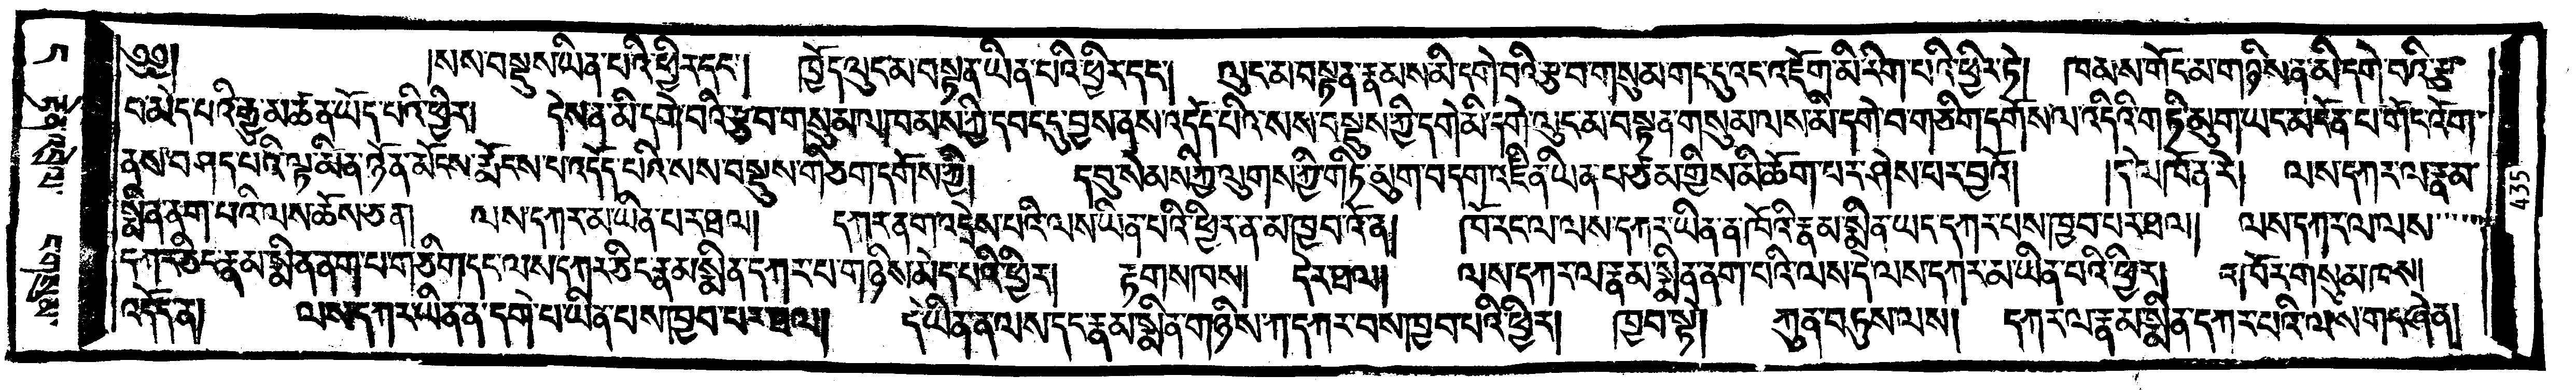༄༅། །སས་བསྡུས་ཡིན་པའི་ཕྱིར་དང་། ཁྱོད་ལུང་མ་བསྟན་ཡིན་པའི་ཕྱིར་དང་། ལུང་མ་བསྟན་རྣམས་མི་དགེ་བའི་རྩ་བ་གསུམ་གང་དུའང་འཇོག་མི་རིག་པའི་ཕྱིར་ཏེ། ཁམས་གོང་མ་གཉིས་ན་མི་དགེ་བའི་རྩ་
བ་མེད་པའི་རྒྱུ་མཚན་ཡོད་པའི་ཕྱིར། དེས་ན་མི་དགེ་བའི་རྩ་བ་གསུམ་ལ་ཁམས་ཀྱི་དབང་དུ་བྱས་ནས་འདོད་པའི་སས་བསྡུས་ཀྱི་དགེ་མི་དགེ་ལུང་མ་བསྟན་གསུམ་ལས་མི་དགེ་བ་གཅིག་དགོས་ལ་འདིའི་གཏི་མུག་ཡང་མངོན་པ་གོང་འོག་
ནས་བཤད་པའི་ལྟ་མིན་ཉོན་མོངས་རྨོངས་པ་འདོད་པའི་སས་བསྡུས་གཅིག་དགོས་ཀྱི། དབུ་སེམས་ཀྱི་ལུགས་ཀྱི་གཏི་མུག་བདག་འཛིན་ཡིན་པ་ཙམ་གྱིས་མི་ཆོག་པར་ཤེས་པར་བྱའོ། །དེ་ལ་ཁོ་ན་རེ། ལས་དཀར་ལ་རྣམ་
སྨིན་ནག་པའི་ལས་ཆོས་ཅན། ལས་དཀར་མ་ཡིན་པར་ཐལ། དཀར་ནག་འདྲེས་པའི་ལས་ཡིན་པའི་ཕྱིར་ན་མ་ཁྱབ་འོ་ན། ཁོ་རང་ལ་ལས་དཀར་ཡིན་ན་ཁོའི་རྣམ་སྨིན་ཡང་དཀར་པས་ཁྱབ་པར་ཐལ། ལས་དཀར་ལ་ལས་
དཀར་ཅིང་རྣམ་སྨིན་ནག་པ་གཅིག་དང་ལས་དཀར་ཅིང་རྣམ་སྨིན་དཀར་པ་གཉིས་མེད་པའི་ཕྱིར། རྟགས་ཁས། དེར་ཐལ། ལས་དཀར་ལ་རྣམ་སྨིན་ནག་པའི་ལས་དེ་ལས་དཀར་མ་ཡིན་པའི་ཕྱིར། འཁོར་གསུམ་ཁས།
འདོད་ན། ལས་དཀར་ཡིན་ན་དགེ་བ་ཡིན་པས་ཁྱབ་པར་ཐལ། དེ་ཡིན་ན་ལས་དང་རྣམ་སྨིན་གཉིས་ཀ་དཀར་བས་ཁྱབ་པའི་ཕྱིར། ཁྱབ་སྟེ། ཀུན་བཏུས་ལས། དཀར་ལ་རྣམ་སྨིན་དཀར་པའི་ལས་གང་ཞེན།